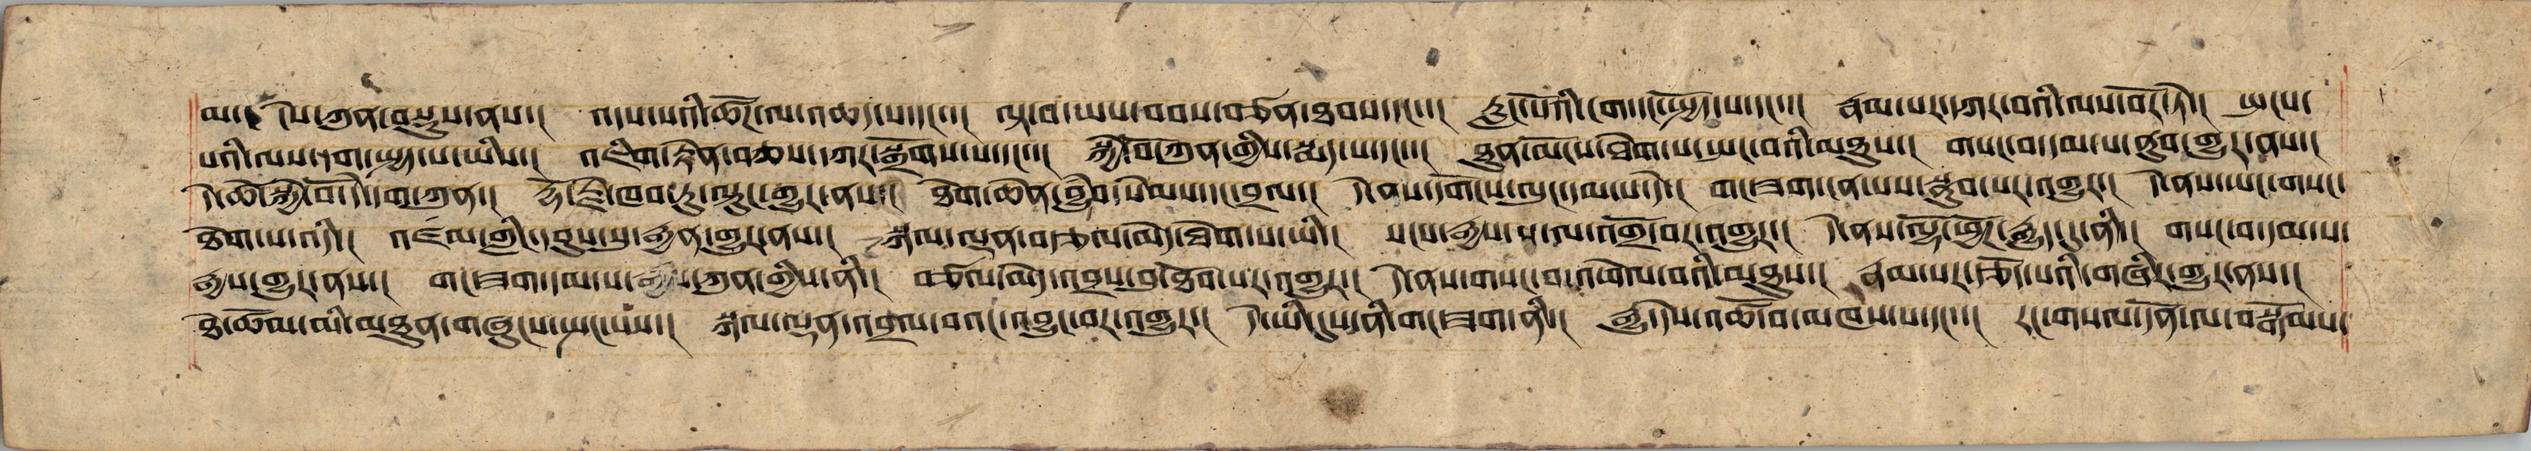མ་ངེས་ཀུན་བསྡུས་ནས་། འདས་པའི་ཚོཌ་ལ་འཆད་པ་དང་་། ལྟ་བ་ཡས་བབས་བཙན་ཐབས་དང་་། རླུང་པོའི་ངག་དང་སྤྱོད་པ་དང་་། རྣམ་པར་དཀར་བའི་ལས་བོར་ཏེ་། སྤངས་
པའི་ལས་དག་སྤྱད་པ་ཡིས་། འཇིག་རྟེན་བཅས་དཀར་སྒྲོགས་པ་དང་་། སྐྱེ་བོ་ཀུན་གྱིས་སྨད་པ་དང་་། ཐུན་མོངས་ཐེག་པ་སྤང་བའི་མཐུས་། གསང་བ་དམ་པ་ནུབ་གྱུར་ནས་།
དེ་ཚེ་སྐྱེ་བོ་དེ་དག་ཀུན་། རྡོ་རྗེ་ཁབ་ཏུ་ལྟུང་གྱུར་ནས་། ཐེག་ཆེན་བྱུཾབ་སེམས་དང་བྲལ་། དེ་བས་དགོངས་ལུང་དམ་པ་དེ་། གང་ཟག་ངན་པས་སྣུབ་པར་འགྱུར་། དེ་ནས་ཡང་གསང་
ཐེག་པ་འདི་། འཛམ་གླིང་དབུས་སུ་རྒྱན་གྱུར་ནས་། སྐལ་ལྡན་བརྩལ་མེད་ཐེག་པ་ཡི་། སངས་རྒྱས་ས་ལ་འགྲོ་བར་འགྱུར་། དེ་ནས་ལྷོ་ཕྱོཌ་རྒྱུད་དུ་ནི་། གསང་བ་དམ་པ་
རྒྱས་གྱུར་ནས་། གང་ཟག་དམ་པ་རྒྱལ་ཀུན་གྱིས་། བཙལ་མེད་འབྲས་བུ་ཐོབ་པར་འགྱུར་། དེ་ནས་གསང་བ་འཕེལ་བའི་མཐུས་། རྣམ་པར་རྩོད་པའི་གཞི་གྱུར་ནས་།
ཐེ་ཚོམ་མི་མཐུན་གཞུངས་སྤང་པས་། སྐལ་ལྡན་འབྲལ་བའང་འབྱུང་བར་འགྱུར་། དེ་ཡི་དུས་ནི་གང་ཟག་ནི་། རྒྱུ་དེས་འཚོ་བ་མཁས་པ་དང་་། རང་གསལ་དོན་ལ་བསྒོམས་